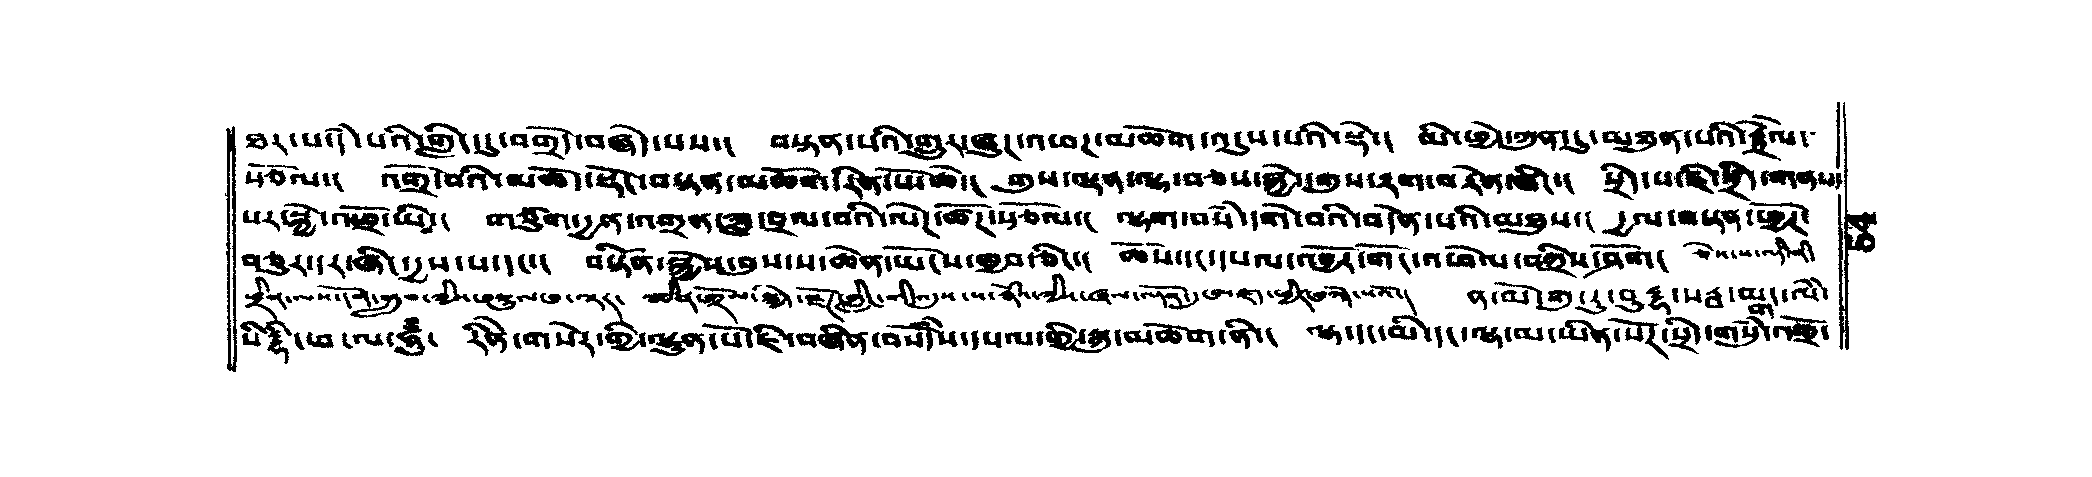།ཐར་པ་དམ་པའི་གླིང་དུ་བགྲོད་བཞེད་པས། །བསྟན་པའི་གྲུར་ཞུགས་འཕགས་མཆོག་འདུས་པའི་སྡེ། །མི་ཕྱེད་ཀུན་ཏུ་མཐུན་པའི་རྟེན་འབྲེལ་
སྩོལ། །འགྲོ་བའི་མཆོད་སྡོང་བསྟན་མཆོག་རིན་པོ་ཆེ། །གུས་ལྡན་ལྷར་བཅས་སྐྱེ་དགུས་རྟག་བརྟེན་ཞིང་། །སྲིད་པ་ཇི་སྲིད་གནས་
པར་སྐྱེ་འགྲོ་ཡིས། །གཙུག་རྒྱན་འགྲན་ཟླ་བྲལ་བའི་ལེགས་ཚོགས་སྩོལ། །འདི་ལྟར་ལྷག་བསམ་དགེ་བའི་བདེན་པའི་མཐུས། །རྒྱལ་བསྟན་ཕྱོགས་
བཅུར་དར་ཞིང་རྒྱས་པ་དང་། །བསྟན་འཛིན་སྐྱེས་བུས་ས་ཆེན་ཡོངས་ཁྱབ་ཅིང་། །ཆོས་དང་དཔལ་འབྱོར་གོང་འཕེལ་བཀྲ་ཤིས་ཤོག ཅེས་པ་འདི་ནི་
ཕྲིན་ལས་དོན་གྲུབ་ཀྱིས་བསྐུར་བ་ལྟར།སྨིན་གྲོལ་བསྐྱེད་རྫོགས་གླིང་གི་འདུས་པ་རྣམས་ཀྱིས་ཞལ་འདོན་དུ་མཛད་ཕྱིར་བཀོད་པའོ།། ན་མོ་གུ་རུ་བུདྡྷ་སརྦ་མངྒ་ལཾ་
སིདྡྷི་ཕ་ལ་ཧཱུྃ། རིན་ཆེན་གསེར་གྱི་ལྷུན་པོ་ཇི་བཞིན་བསོད་ནམས་དཔལ་གྱི་སྐུ་མཆོག་ནི། །ལྷ་དང་མི་དང་ལྷ་མ་ཡིན་སོགས་སྲིད་གསུམ་འགྲོ་